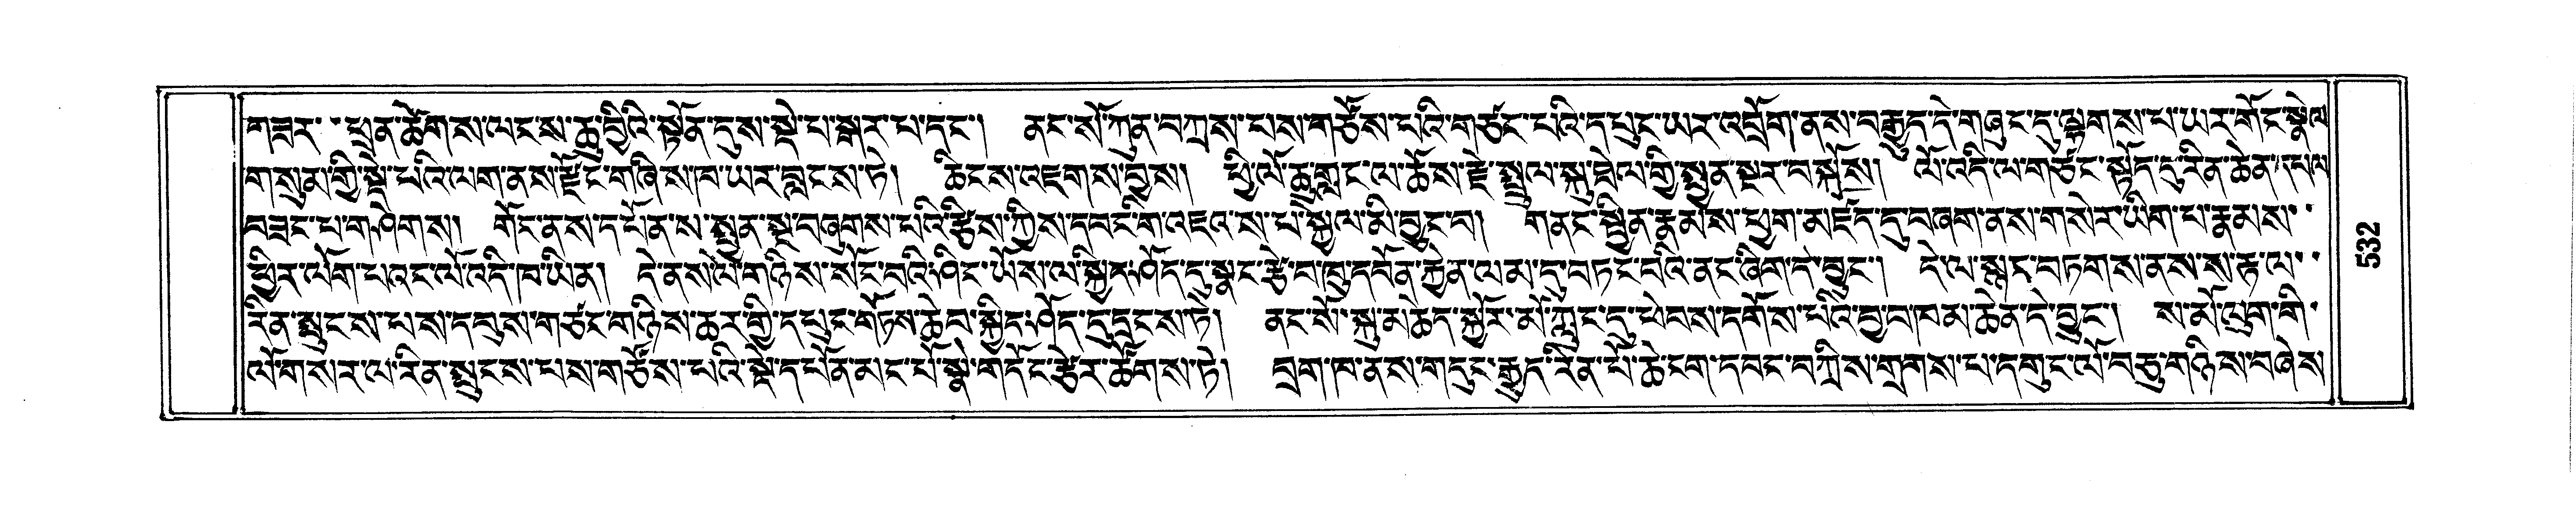གཟར་ཕྲན་ཚེགས་ལང་ས་ཆུ་བྱིའི་སྟོན་དུས་སྡེ་པ་སྒར་པ་དང་། ནང་སོ་ཀུན་བཀྲས་པས་གཙོས་པའི་གཙང་པའི་དཔུང་ཡར་འབྲོག་ནས་བརྒྱུད་དེ་གཞུང་དུ་ལྷགས་པ་ཡར་གོང་སྣེལ་
གསུམ་གྱི་སྡེ་པའི་ལག་ནས་རྫོང་གཞི་ས་ཁ་ཡར་བླངས་ཏེ། ཆིངས་འཇགས་བྱས། ཕྱི་ལོ་ཆུ་གླང་ལ་ཆོས་རྗེ་སྤྲུལ་སྐུ་ཐེལ་གྱི་སྤྱན་སྔར་བསྐོས། ལོ་འདི་ལ་གཙང་སྟོད་དུ་རིན་ཆེན་དཔལ་
བཟང་པ་གཤེགས། གོང་ནས་དཔོན་ས་སྤྱན་སྔ་བཞུགས་པའི་རྩིས་ཀྱིས་དབང་གི་འཇའ་པ་སྐྱེལ་མི་བྱུང་བ། གནང་སྦྱིན་རྣམས་ཕྱག་མཛོད་དུ་བཞག་ནས་གསེར་ཡིག་པ་རྣམས་
ཕྱིར་ལོག་པའང་ལོ་འདི་ཁ་ཡིན། དེ་ནས་ལེ་གཉིས་སོང་བའི་ཤིང་ཡོས་ལ་སྐྱིད་ཤོད་དུ་སྣང་རྩེ་བ་ཁུ་དབོན་རྐྱེན་ལམ་དུ་བཏང་བའི་ནང་ཞིག་དེ་བྱུང་། དེ་ལ་སྙང་བཏགས་ནས་ས་རྟ་ལ་
རིན་སྤུངས་པས་དབུས་གཙང་གཉིས་ཆར་གྱི་དཔུང་གཏོས་ཆེབ་སྐྱིད་ཤོད་དུ་དྲངས་ཏེ། ནང་སོ་སྐུ་མཆེད་སྐྱོར་མོ་ཀླུང་དུ་ཕེབས་དགོས་པའི་བྱ་བ་ཁམ་ཆེན་དེ་བྱུང་། ས་མོ་ལུག་གི་
ལོ་གསར་ལ་རིན་སྤུངས་པས་གཙོས་པའི་སྡེ་དཔོན་མང་པོ་སྣེ་གདོང་རྩེར་ཚོགས་ཏེ། བྲག་ཁ་ནས་གདུང་རྒྱུད་རིན་པོ་ཆེ་ངག་དབང་བཀྲིས་གྲགས་པ་དགུང་ལོ་བཅུ་གཉིས་བཞེས་